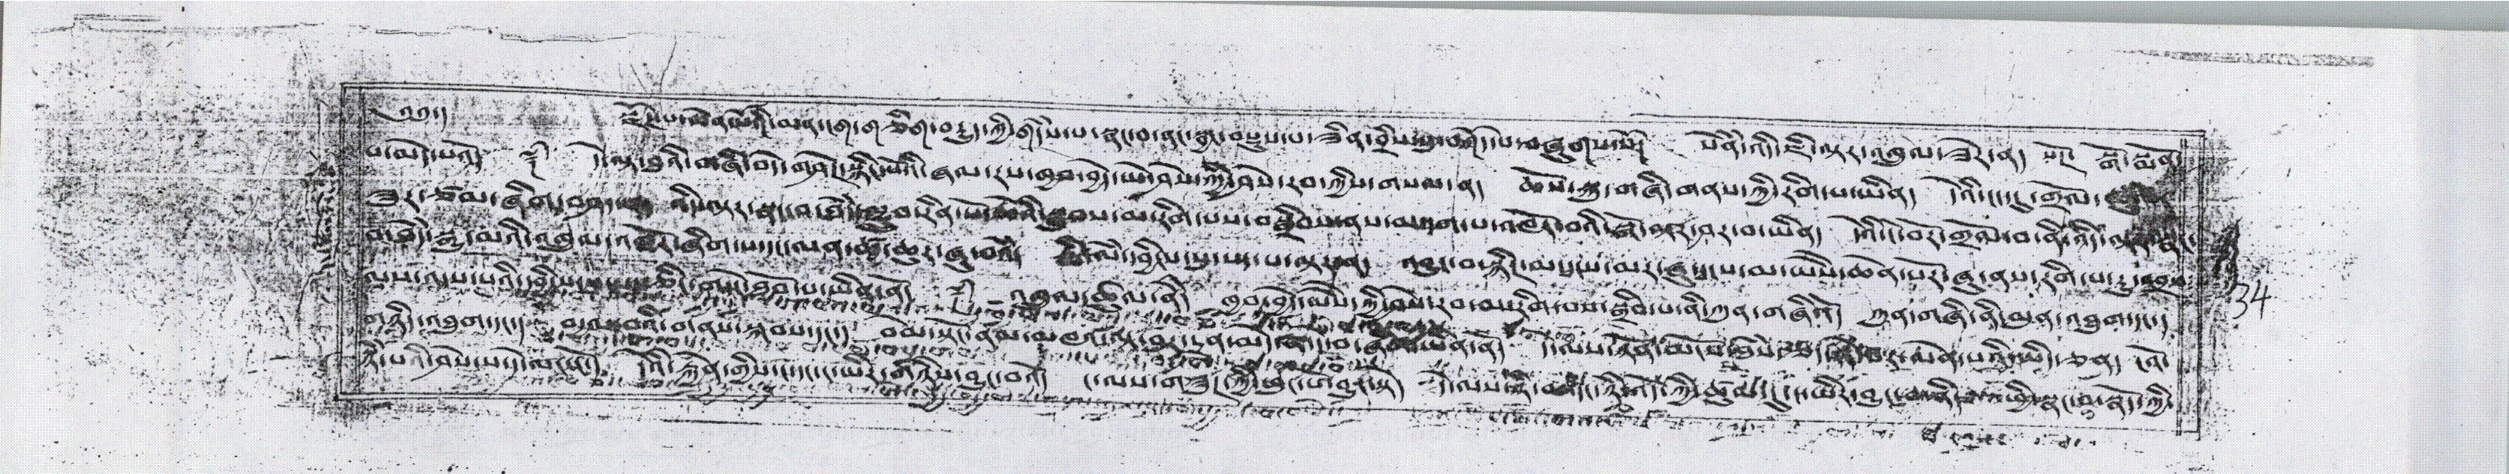༄༅།། རྫོགས་པ་ཆེན་པོའི་མན་ངག་གཅིག་རྒྱུད་ཀྱི་གདམས་པ་སྣང་བ་ནང་སྦྱང་བསྡུས་པ་ཟིན་བྲིས་སུ་བཀོད་པ་བཞུགས་སོ། །སེམས་ཅན་འདི་ཇི་ལྟར་འཁྲུལ་ཟེར་ན། སོགས། སྒོ་སྨོན་
པ་མེད་པའོ། ༧ དེ་ལྟ་བུའི་གཞི་བདེར་གཤེགས་སྙིང་པོའི་ཞལ་རས་ཁྱབ་བྱེད་ཡེ་ཤེས་ཀྱི་ཤེས་རབ་ཀྱིས་གསལ་ན། ཆོས་སྐུ་གཞི་གནས་ཀྱི་རིག་པ་ཡིན། དེའི་ངང་དུ་གྲོལ་ཚུལ་
ཟུར་ཙམ་ཞིག་བཤད་ལ། འདི་ལྟར་སྣང་བ་ཐམས་ཅད་ལྷུན་གྲུབ་རིན་པོ་ཆེའི་སྦུབས་མ་རིག་པས་བསྒྲིབས་ནས་མ་དག་པ་འཁོར་བའི་སྒོ་ཤར་བ་ཡིན། དེའི་ངོ་བོར་གྲོལ་བ་ནི་འདི་ལྟར་སྣང་
བ་ཐམས་ཅད་སྒྱུ་མའི་འཁྲུལ་འཁོར་ཞིག་པ་དང་ལན་ཚྭ་ཆུར་ཞུ་བའམ། རྨི་ལམ་དབྱིངས་སུ་སད་པ་ལྟར་ན། འབྱུང་བ་སྙིགས་མ་དྭངས་མར་ཞུ། དྭངས་མ་ཡེ་ཤེས་ཆེན་པོར་ཞུ་ནས་རིག་པ་རྒྱུ་འབྲས་
ལས་འདས་པའི་དབྱིངས་སུ་སད་ཅིང་གདེངས་ཐོབ་པ་ཡིན་ནོ། ༧ འཁྲུལ་ཚུལ་ནི། ཁྱབ་བྱེད་ཡེ་ཤེས་ཀྱི་ཤེས་རབ་མ་རིག་པས་བསྒྲིབས་པ་ནི་ཀུན་གཞིའོ། ཀུན་གཞི་དང་མུན་མཐུག་དང་། 
གཉིད་འཐུག་དང་། དམྱལ་བའི་གནས་སྐབས་དང་། བེམ་སྟོང་དྲན་མེད་ཧད་དེ་བ་ཞིག་ཡིན་ནོ། དེ་ལས་ཉོན་མོངས་པ་ཐམས་ཅད་ཉེ་བར་ལེན་པའི་ཡིད་ཅན། ངའོ་
སྙམ་པའི་ཤེས་པ་དེ་ལངས་སོ། དེའི་རྐྱེན་གྱིས་ང་དང་ང་ཡིར་གཉིས་བྱུང་བའོ། ང་ལས་གཟུགས་ཀྱི་ཕུང་པོ་བྱུང་སྟེ། དེ་ལས་ཉི་མ་དང་ཉི་འོད་ཀྱི་ཚུལ་དུ་ང་ཡིར་བྱུང་བ་ཉིད་ལས་ཕྱི་སྣང་བ་སྣོད་ཀྱི་